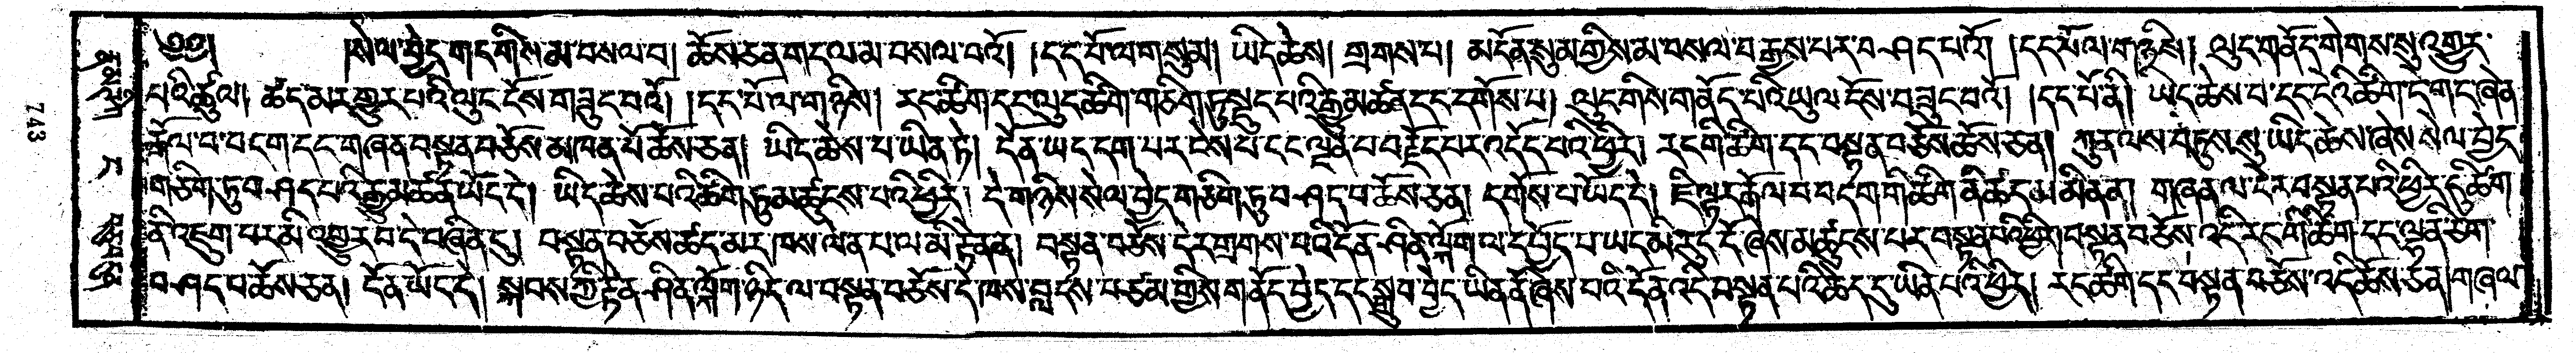༄༅། །སེལ་བྱེད་གང་གིས་མ་བསལ་བ། ཆོས་ཅན་གད་ལ་མ་བསལ་བའོ། །དད་པོ་ལ་གསུམ། ཡིད་ཆེས། གྲགས་པ། མངོན་སུམ་གྱིས་མ་བསལ་བརྒྱས་པར་བཤད་པའོ། །དང་པོ་ལ་གཉིས། ལུང་གནོད་གེགས་སུ་འགྱུར་
པའི་ཚུལ། ཚད་མར་གྱུར་པའི་ལུང་ངོས་གཟུང་བའོ། །དང་པོ་ལ་གཉིས། རང་ཚིག་དང་ལུང་ཚིག་གཅིག་ཏུ་སྡུད་པའི་རྒྱུ་མཚན་དང་དགོས་པ། ལུང་གིས་གནོད་པའི་ཡུལ་ངོས་བཟུང་བའོ། །དང་པོ་ནི། ཡིད་ཆེས་བ་དང་དེའི་ཚིག་དེ་གང་ཞེ་ན་
རྒོལ་བ་བདག་དང་གཞན་བསྟན་བཅོས་མཁན་པོ་ཆོས་ཅན། ཡིད་ཆེས་པ་ཡིན་ཏེ། དོན་ཡང་དག་པར་ངེས་པ་དང་ལྡན་པ་བརྗོད་པར་འདོད་པའི་ཕྱིར། རང་གི་ཚིག་དང་བསྟན་བཅོས་ཆོས་ཅན། ཀུན་ལས་བཏུས་སུ་ཡིད་ཆེས་ཞེས་སེལ་བྱེད་
གཅིག་ཏུ་བཤད་པའི་རྒྱུ་མཚན་ཡོད་དེ། ཡིད་ཆེས་པའི་ཚིག་ཏུ་མཚུངས་པའི་ཕྱིར། དེ་གཉིས་སེལ་བྱེད་གཅིག་ཏུ་བཤད་པ་ཆོས་ཅན། དགོས་པ་ཡོད་དེ། ཇི་ལྟར་རྒོལ་བ་བདག་གི་ཚིག་ནི་ཚད་མ་མིན་ན། གཞན་ལ་དེར་བསྟན་པའི་ཕྱིར་དུ་ཚིག་
ནི་འཇུག་བར་མི་འགྱུར་བ་དེ་བཞིན་དུ། བསྟན་བཅོས་ཚད་མར་ཁས་ལེན་པ་ལ་མི་རྟེན་ན། བསྟན་བཅོས་དེར་གྲགས་བའི་དོན་ཤིན་ལྐོག་ལ་དཔྱོད་པ་ཡང་མི་རུང་ངོ་ཞེས་མཚུངས་པར་བསྟན་པའི་ཕྱིར། བསྟན་བཅོས་འདི་རང་གི་ཚིག་དང་ལྷན་ཅིག་
བཤད་པ་ཆོས་ཅན། དོན་ཡོད་དེ། སྐབས་ཀྱི་རྟེན་ཤིན་ཀློག་ཉིད་ལ་བསྟན་བཅོས་དེ་ཁས་བླངས་པ་ཙམ་གྱིས་གནོད་བྱེད་དང་སྒྲུབ་བྱེད་ཡིན་ནོ་ཞེས་པའི་དོན་འདི་བསྟན་པའི་ཆེད་དུ་ཡིན་པའི་ཕྱིར། རང་ཚིག་དང་བསྟན་བཅོས་འདི་ཆོས་ཅན། གཞལ་